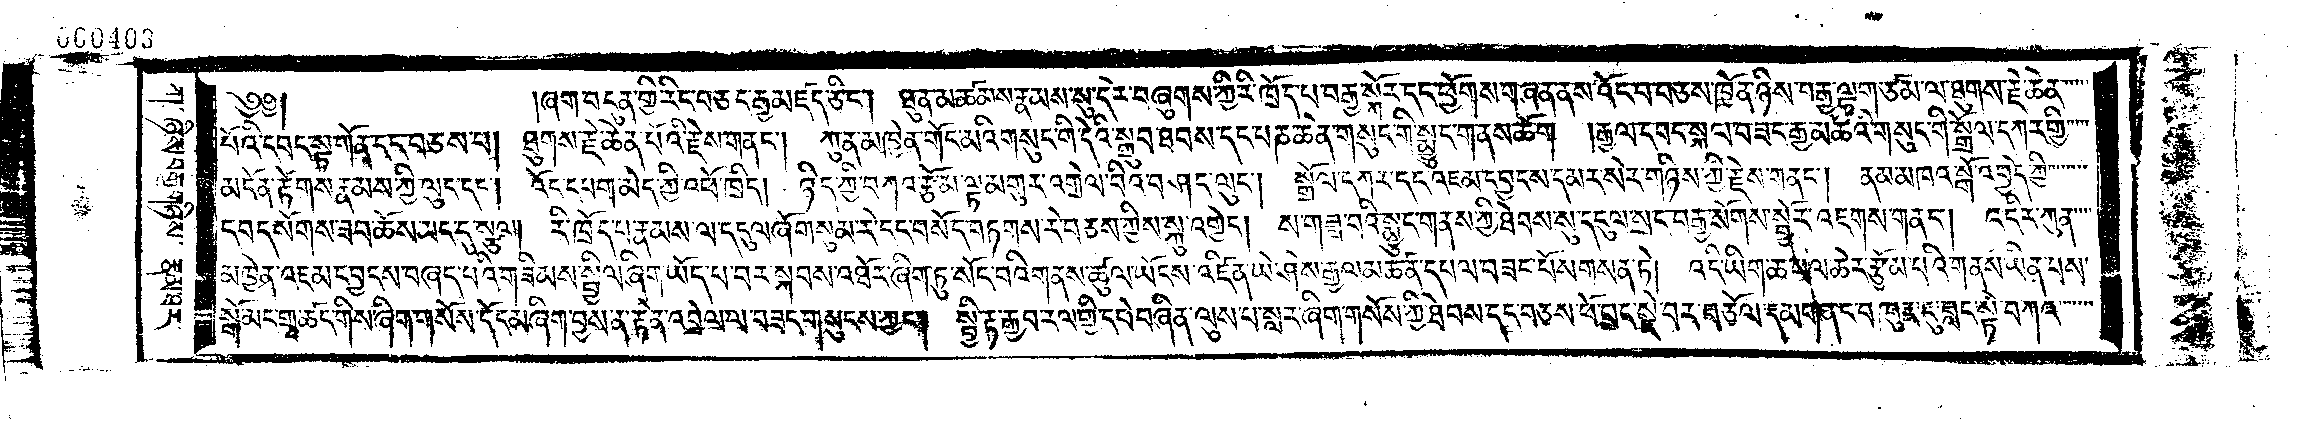༄༅། །ཞག་བདུན་གྱི་རིང་བཅད་རྒྱ་མཛད་ཅིང་། ཐུན་མཚམས་རྣམས་སུ་དེར་བཞུགས་ཀྱི་རི་ཁྲོད་པ་བརྒྱ་སྐོར་དང་ཕྱོགས་གཞན་ནས་འོང་བ་བཅས་ཁྱོན་ཉིས་བརྒྱ་ལྷག་ཙམ་ལ་ཐུགས་རྗེ་ཆེན་
པོའི་དབང་སྟ་གོན་དང་བཅས་པ། ཐུགས་རྗེ་ཆེན་པའི་རྗེས་གནང་། ཀུན་མཁྱེན་གོང་མའི་གསུང་གི་དེའི་སྒྲུབ་ཐབས་དང་པཎ་ཆེན་གསུང་གི་སྨྱུང་གནས་ཆོ་ག །རྒྱལ་དབང་སྐལ་བཟང་རྒྱ་མཚོའི་གསུང་གི་སྒྲོལ་དཀར་གྱི་
མངོན་རྟོགས་རྣམས་ཀྱི་ལུང་དང་། འོད་དཔག་མེད་ཀྱི་འཕོ་ཁྲིད། ཉིད་ཀྱི་བཀའ་རྩོམ་ལྟ་མགུར་འགྲེལ་བའི་བཤད་ལུང་། སྒྲོལ་དཀར་དང་འཇམ་དབྱངས་དམར་སེར་གཉིས་ཀྱི་རྗེས་གནང་། ནམ་མཁའ་སྒོ་འབྱེད་ཀྱི་
དབང་སོགས་ཟབ་ཆོས་མང་དུ་སྩལ། རི་ཁྲོད་པ་རྣམས་ལ་དངུལ་ཞོ་གསུམ་རེ་དང་བསོད་བཏགས་རེ་བཅས་ཀྱིས་སྐུ་འགྱེད། ས་ག་ཟླ་བའི་སྨྱུད་གནས་ཀྱི་ཐེབས་སུ་དངུལ་སྲང་བརྒྱ་སོགས་སྦྱོར་འཇགས་གནང་། འདིར་ཀུན་
མཁྱེན་འཇམ་དབྱངས་བཞད་པའི་གཟིམས་སྤྱིལ་ཞིག་ཡོད་པ་བར་སྐབས་འཐོར་ཞིག་ཏུ་སོང་བའི་གནས་ཚུལ་ཡོངས་འཛིན་ཡེ་ཤེས་རྒྱལ་མཚན་དཔལ་བཟང་པོས་གསན་ཏེ། འདི་ཡིག་ཆ་ཕལ་ཆེར་རྩོམ་པའི་གནས་ཡིན་པས་
སྒོ་མང་གྲྭ་ཚང་གིས་ཞིག་གསོས་དོ་དམ་ཞིག་བྱས་ན་རྟེན་འབྲེལ་ལ་བཟང་གསུངས་ཀྱང་། སྤྱི་རྟ་རྒྱབ་རལ་གྱི་དཔེ་བཞིན་ལུས་པ་སླར་ཞིག་གསོས་ཀྱི་ཐེབས་དང་བཅས་ཕོ་བྲང་སྡེ་བར་བཅོལ་དམ་གནང་བ་ཁུར་དུ་བླང་སྟེ་བཀའ་